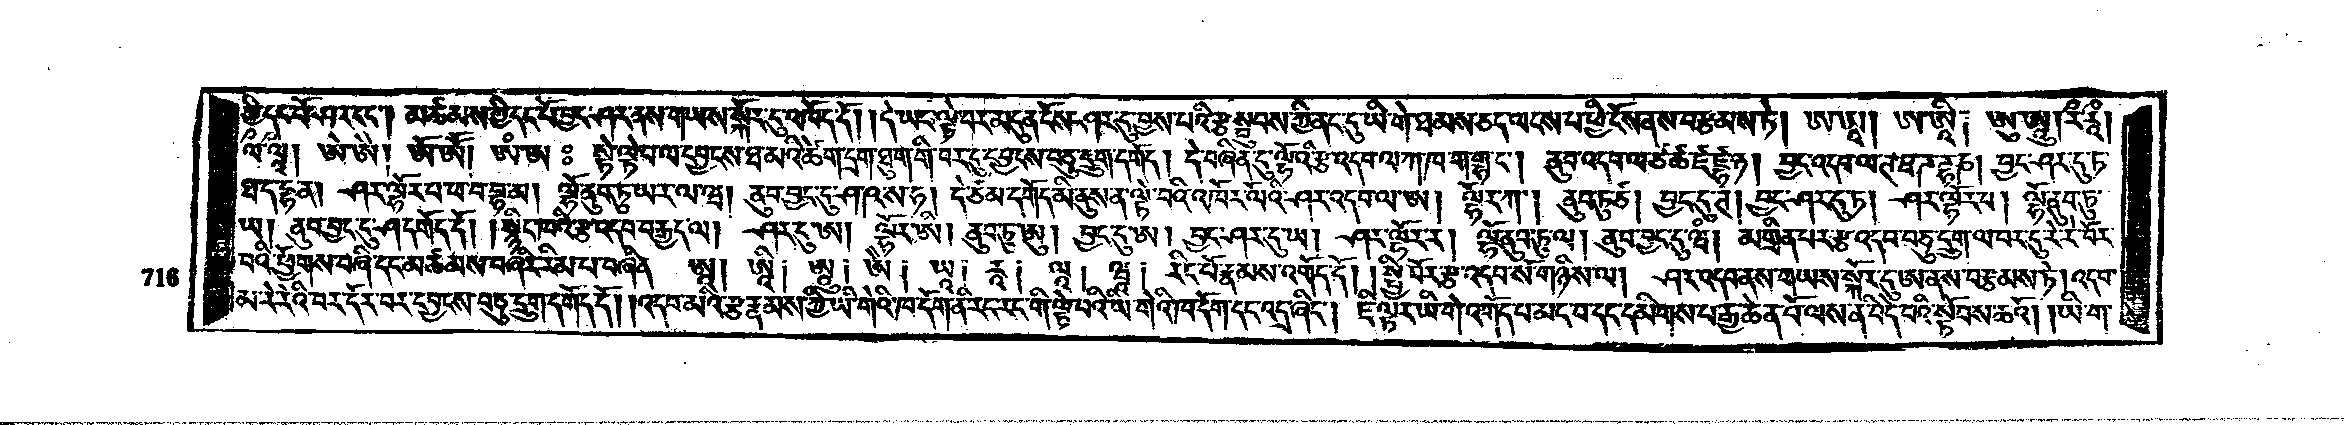ཀྱི་དང་པོ་ཤར་དང་། མཚམས་ཀྱི་དང་པོ་བྱང་ཤར་ནས་གཡས་སྐོར་དུ་འཁོད་དོ། །དེ་ཡང་ལྟེ་བར་མདུན་ངོས་ཤར་དུ་བྱས་པའི་རྩ་སྦུབས་ཀྱི་ནང་དུ་ཡི་གེ་ཐམས་ཅད་ལངས་པ་ཕྱི་ངོས་ནས་བརྩམས་ཏེ། ཨ་ཨཱ། ཨ་ཨཱི། ཨུ་ཨཱུ། རྀ་རཱྀ།
ལྀ་ལཱྀ། ཨེ་ཨཻ། ཨོ་ཨཽ། ཨཾ་ཨཿ སྟེ་ལྟེ་བ་ལ་དབྱངས་ཐ་མའི་ཚེག་དྲག་ཐུག་གི་བར་དུ་དབྱངས་བཅུ་དྲུག་དགོད། དེ་བཞིན་དུ་ལྷོའི་རྩ་འདབ་ལ་ཀ་ཁ་ག་གྷ་ང་། ནུབ་འདབ་ལ་ཙ་ཚ་ཛ་ཛྷ་ཉ། བྱང་འདབ་ལ་ཊ་ཊཿཨ་ཌ་ཌྷ་ཎ། བྱང་ཤར་དུ་ཏ་
ཐ་ད་དྷ་ན། ཤར་ལྷོར་པ་ཕ་བ་བྷ་མ། ལྷོ་ནུབ་ཏུ་ཡ་ར་ལ་ཝ། ནུབ་བྱང་དུ་ཤ་ཥ་ས་ཧ། དེ་ཙམ་དགོད་མི་ནུས་ན་ལྟེ་བའི་འཁོར་ལོའི་ཤར་འདབ་ལ་ཨ། ལྷོར་ཀ། ནུབ་ཏུ་ཙ། བྱང་དུ་ཊ། བྱང་ཤར་དུ་ཏ། ཤར་ལྷོར་པ། ལྷོ་ནུབ་ཏུ་
ཡ། ནུབ་བྱང་དུ་ཤ་དགོད་དོ། །སྙིང་ཁའི་རྩ་འདབ་བརྒྱད་ལ། ཤར་དུ་ཨ། ལྷོར་ཨི། ནུབ་ཏུ་ཨུ། བྱང་དུ་ཨེ། བྱང་ཤར་དུ་ཡ། ཤར་ལྷོར་ར། ལྷོ་ནུབ་ཏུ་ལ། ནུབ་བྱང་དུ་ཝཾ། མགྲིན་པར་རྩ་འདབ་བཅུ་དྲུག་ལ་བར་དུ་རེ་རེ་བོར་
བའི་ཕྱོགས་བཞི་དང་མཚམས་བཞིར་རིམ་པ་བཞིན་ཨཱ། ཨཱི། ཨཱུ། ཨཻ། ཡཱ། རཱ། ལཱ། ཝཱ། རིང་པོ་རྣམས་འགོད་དོ། །སྤྱི་བོར་རྩ་འདབ་སོ་གཉིས་ལ། ཤར་འདབ་ནས་གཡས་སྐོར་དུ་ཨ་ནས་བརྩམས་ཏེ། འདབ་
མ་རེ་རེའི་བར་དོར་བར་དབྱངས་བཅུ་དྲུག་དགོད་དོ། །འདབ་མའི་རྩ་རྣམས་ཀྱི་ཡི་གེའི་ཁ་དོག་ནི་རང་རང་གི་ལྟེ་བའི་ཡི་གེའི་ཁ་དོག་དང་འདྲ་ཞིང་། ཇི་ལྟར་ཡི་གེ་འགོད་པ་མང་བ་དང་དམིགས་པ་རྒྱ་ཆེན་པོ་ལས་ནི་བདེ་བའི་སྟོབས་ཆའོ། །ཡི་གེ་